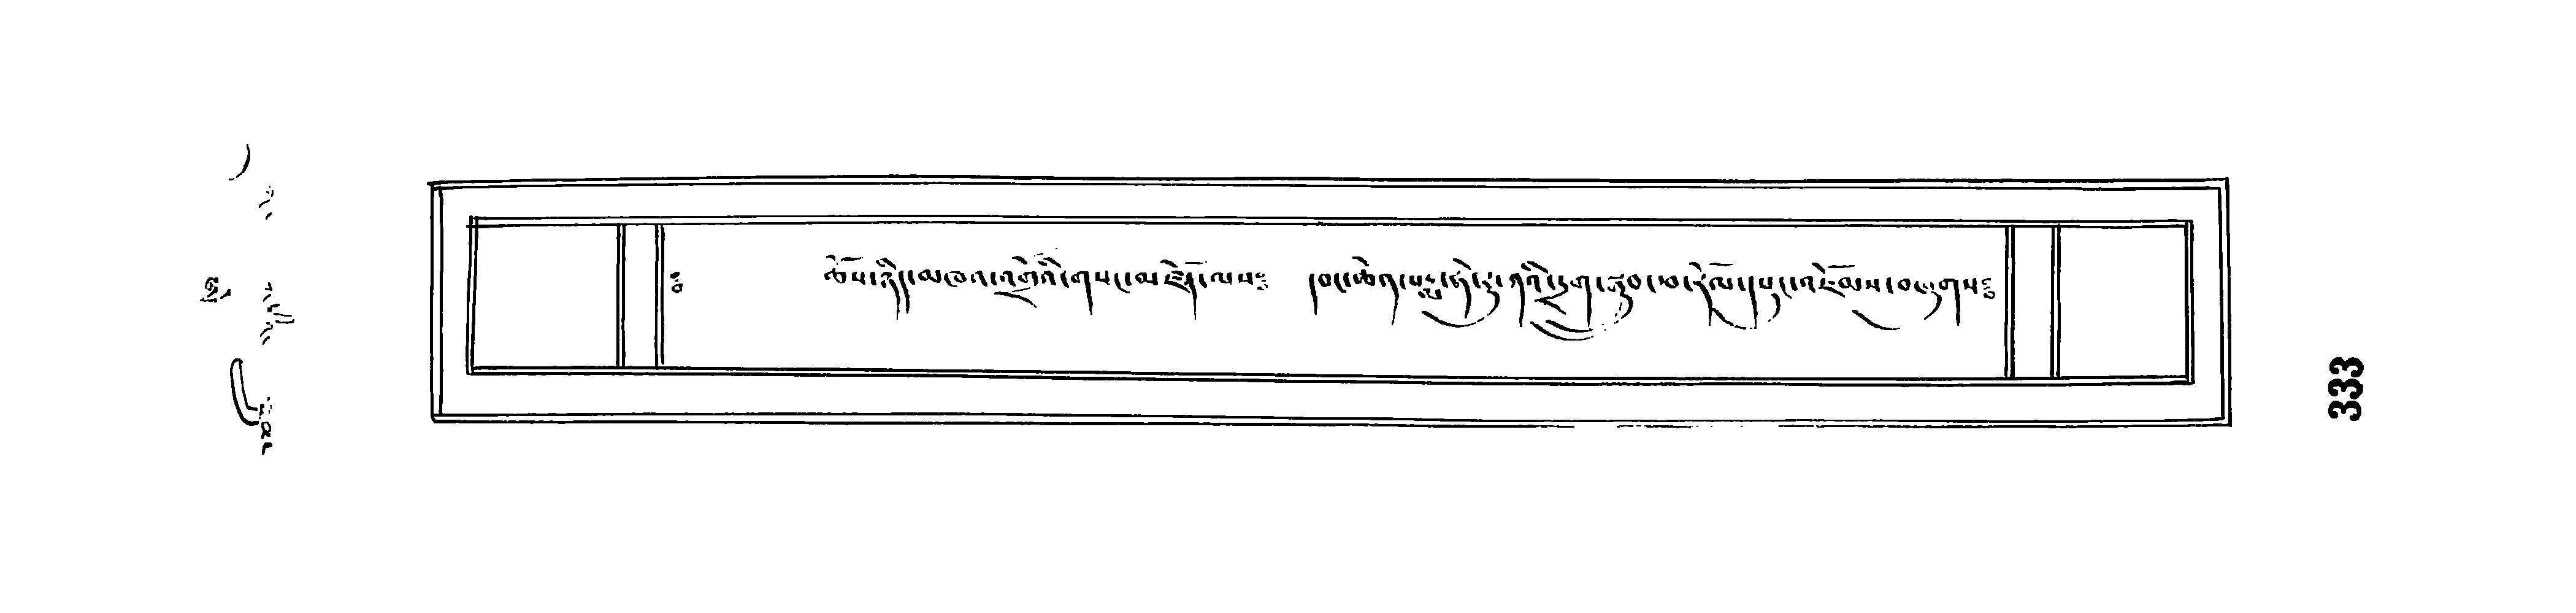ཆོས་ཉིད་མཁའ་འགྲོའི་གསང་མཛོད་ལས༔ དབང་ཆེན་པདྨ་ཧེ་རུ་ཀའི་དྲག་སྒྲུབ་ཕ་རོལ་དཔུང་འཇོམས་བཞུགས༔